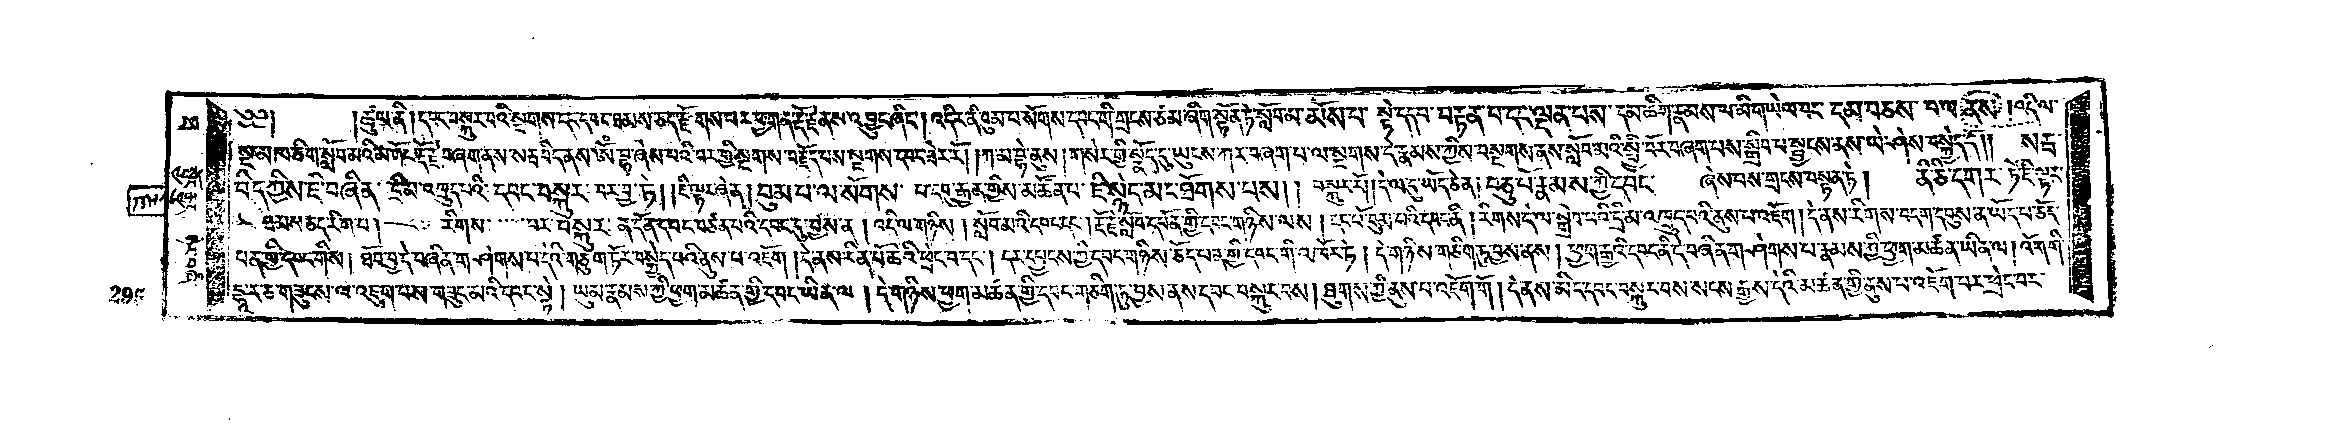༄༅། །ཚུལ་ནི། དབང་བསྐུར་བའི་སྔགས་དང་དབང་ཐམས་ཅད་རྫོགས་པར་ཕྱག་ན་རྡོ་རྗེ་ནས་འབྱུང་ཞིང་། འདིར་ནི་བུམ་པ་སོགས་དབང་གི་གྲངས་ཙམ་ཞིག་སྟོན་ཏེ་སློབ་མ་མོས་པ་སྟེ་དད་པ་བརྟན་པ་དང་ལྡན་པས་དམ་ཚིག་རྣམས་ལ་མི་གཡེལ་བར་དམ་བཅས་བ་ལ་ནས། འདི་ལ་
སྔ་མ་ཁ་ཅིག་སློབ་མའི་མགོར་རྡོ་རྗེ་བཞག་ནས་སརྦ་བིད་ནས་ཨོཾ་བྷ་ཞེས་པའི་བར་གྱི་སྔགས་བརྗོད་པས་སྔགས་དབང་ཟེར་རོ། །ཀ་མ་དྷེ་ནུས། གསེར་གྱི་སྣོད་དུ་ཡུངས་ཀར་བཞག་པ་ལ་སྔགས་དེ་རྣམས་ཀྱིས་བསྔགས་ནས་སློབ་མའི་སྤྱི་བོར་བཞག་པས་སྒྲིབ་པ་སྦྱངས་ནས་ཡེ་ཤེས་བསྐྱེད་དོ། །སརྦ་
བིད་ཀྱིས་ཇི་བཞིན་དྲི་མ་འཁྲུད་པའི་དབང་བསྐུར་བར་བྱ་ཏེ། །ཇི་ལྟར་ཞེ་ན།  བུམ་པ་ལ་སོགས་པ་དབུ་རྒྱན་གྱིས་མཚོན་པ་ཇི་སྙེད་མང་ཐོགས་པས། །བསྐུར་རོ། །དེ་ལ་དུ་ཡོད་ཅེ་ན།  བཅུ་པོ་རྣམས་ཀྱི་དབང་ཞེས་པས་གྲངས་བསྟན་ཏེ།  ནི་ཅི་དགར་ཏེ་ཇི་ལྟར་
ཐམས་ཅད་རིག་པ། རིགས་པར་བསྐུར་ན་དོན་དབང་བཙན་པའི་དབང་དུ་བྱས་ན། འདི་ལ་གཉིས། སློབ་མའི་དབང་དང་། རྡོ་རྗེ་སློབ་དཔོན་གྱི་དབང་གཉིས་ལས། དང་པོ་བུམ་པའི་དབང་ནི། རིགས་དེ་ལ་སྒྲིབ་པའི་དྲི་མ་འཁྲུད་པའི་ནུས་པ་འཇོག །དེ་ནས་རིགས་བདག་དབུས་ན་ཡོད་པ་ཅོད་
པན་གྱི་དབང་གིས། ཐོབ་བྱ་དེ་བཞིན་གཤེགས་པ་དེའི་གཙུག་ཏོར་བསྐྱེད་པའི་ནུས་པ་འཇོག །དེ་ནས་རིན་པོ་ཆེའི་ཕྲེང་བ་དང་། དར་དབྱངས་ཀྱི་དབང་གཉིས་ཅོད་པན་གྱི་དབང་གི་འཁོར་ཏེ། དེ་གཉིས་གཅིག་ཏུ་བྱས་ནས། ཕྱག་རྒྱའི་དབང་ནི་དེ་བཞིན་གཤེགས་པ་རྣམས་ཀྱི་ཕྱག་མཚན་ཡིན་ལ། འོག་གི་
དྷཱ་ར་ཎ་གཟུངས་ལ་འཇུག་པས་གཟུང་མའི་དབང་སྟེ། ཡུམ་རྣམས་ཀྱི་ཕྱག་མཚན་གྱི་དབང་ཡིན་ལ། དེ་གཉིས་ཕྱག་མཚན་གྱི་དབང་གཅིག་ཏུ་བྱས་ནས་དབང་བསྐུར་བས། ཐུགས་ཀྱི་ནུས་པ་འཇོག་གོ །དེ་ནས་མིང་དབང་བསྐུར་བས་སངས་རྒྱས་དེའི་མཚན་གྱི་ནུས་པ་འཇོག་པར་ཕྲེང་བར་